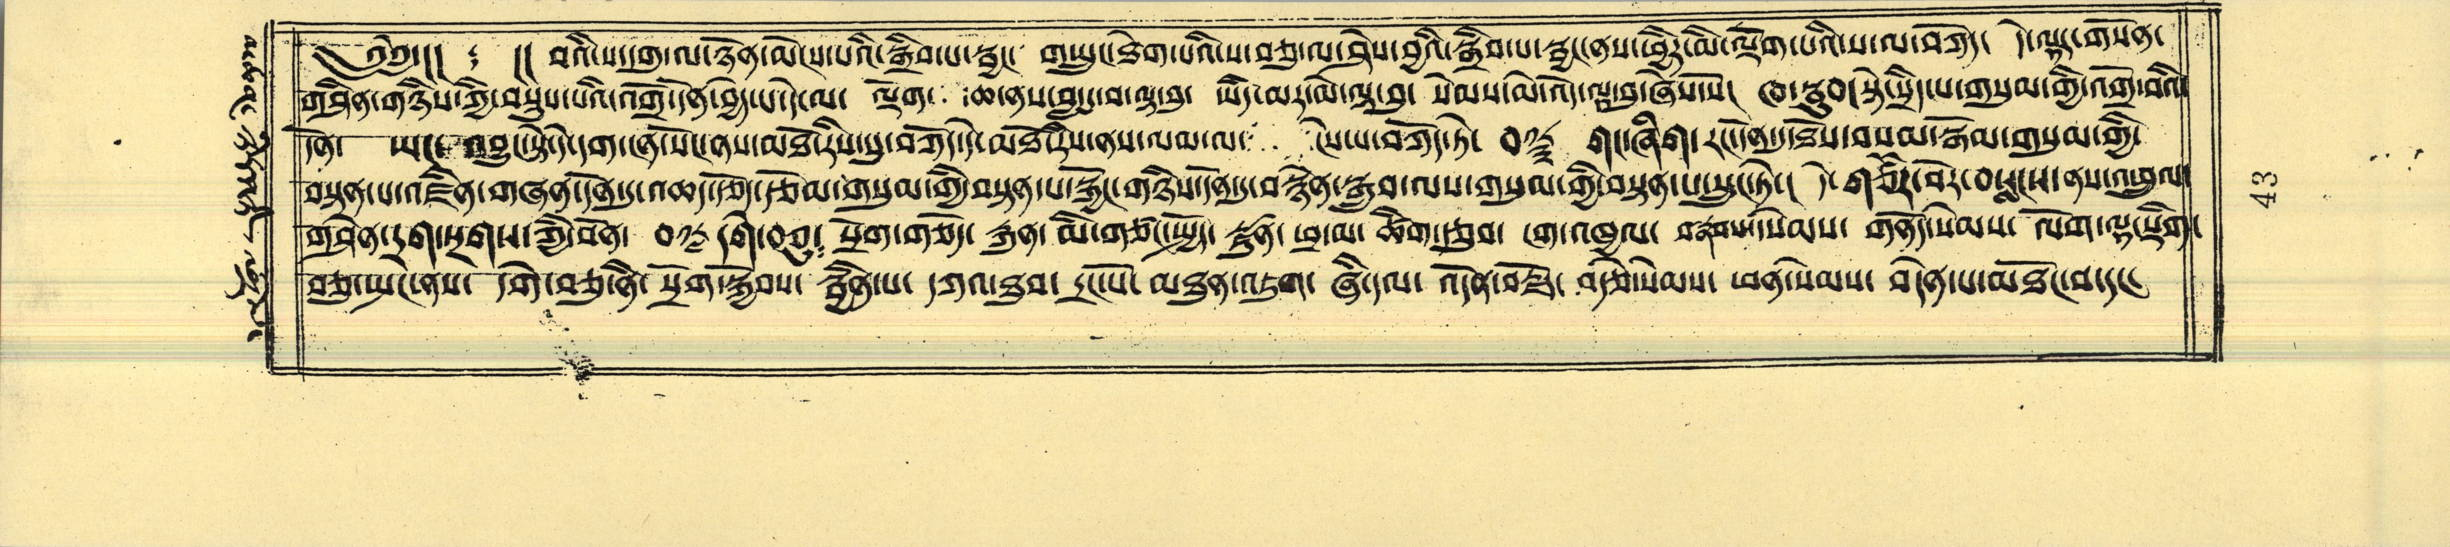བའི་ས་དགུ་ལ་ཉོན་མོངས་པའི་སྒྲིབ་པ་སྦྱངས། གཡུང་དྲུང་ཐེག་པའི་ས་བཅུ་ལ་ཤེས་བྱའི་སྒྲིབ་པ་སྦྱང་ནས་ཕྱིར་མི་ལྡོག་པའི་ས་ལ་བཀོད། དེ་ལྟར་གསོན་
གཤིན་གཉིས་ཀྱིས་བསྡུས་པའི་འགྲོ་དོན་བྱེད་པ་དེ་ལ་ལྡོག་ཆ་ནས་བླ་དུ་བ་ལྟ་བུ་ཡིད་མར་མེ་ལྟ་བུ་སེམས་མེ་འོད་ལྟ་བུ་ཞེས་སོ། ༼ཁ་སྦུབས་ཏེ༽སྲིད་པ་གསུམ་གྱི་འགྲོ་བའི་
དོན་ཡང་འབྱུང་སྟེ་དེ་དག་ངན་སོང་ནས་མཐོ་རིས་སུ་བཀོད་དེ་མཐོ་རིས་ནས་ལམ་ལ་ངེས་པ་བཀོད་དེ་བ༡༨།༣ ༼གང་ཞིག༽རང་དོན་དུ་ཐོས་བསམ་སྒོམ་གསུམ་གྱི་
བསྟན་པ་འཛིན། གཞན་དོན་དུ་འཆད་རྩོད་རྩོམ་གསུམ་གྱི་བསྟན་པ་སྐྱོང་བ་གཉིས་དོན་དུ་བསྙེན་སྒྲུབ་ལས་གསུམ་གྱི་བསྟན་པ་སྲུང་སྟེ། དེ་༼གཙོ་བོར་བསླངས༽ནས་འཕྲུལ་
གཤེན་༼དྲག་སྔགས༽ཀྱི་བོན་བ༡༨།༤ དགེ་བཅུ་སྲོག་གཅོད་རྐུན་མི་གཙང་སྤྱོད་རྫུན་ཕྲ་མ་ཚིག་རྩུབ་ངག་འཁྱལ་བརྣབ་སེམས་གནོད་སེམས་ལོག་ལྟ་སྡིག་
བཅུ་སྤང་ནས་དགེ་བཅུ་ནི་སྲོག་སྐྱོབས་སྦྱིན་པ་དཀའ་ཐུབ་དྲང་པོ་མཐུན་མཇུག་ཞི་དལ་འདོན་བརྗོད་བརྩེ་སེམས་ཕན་སེམས་བདེན་པ་མཐོང་བ་དང་